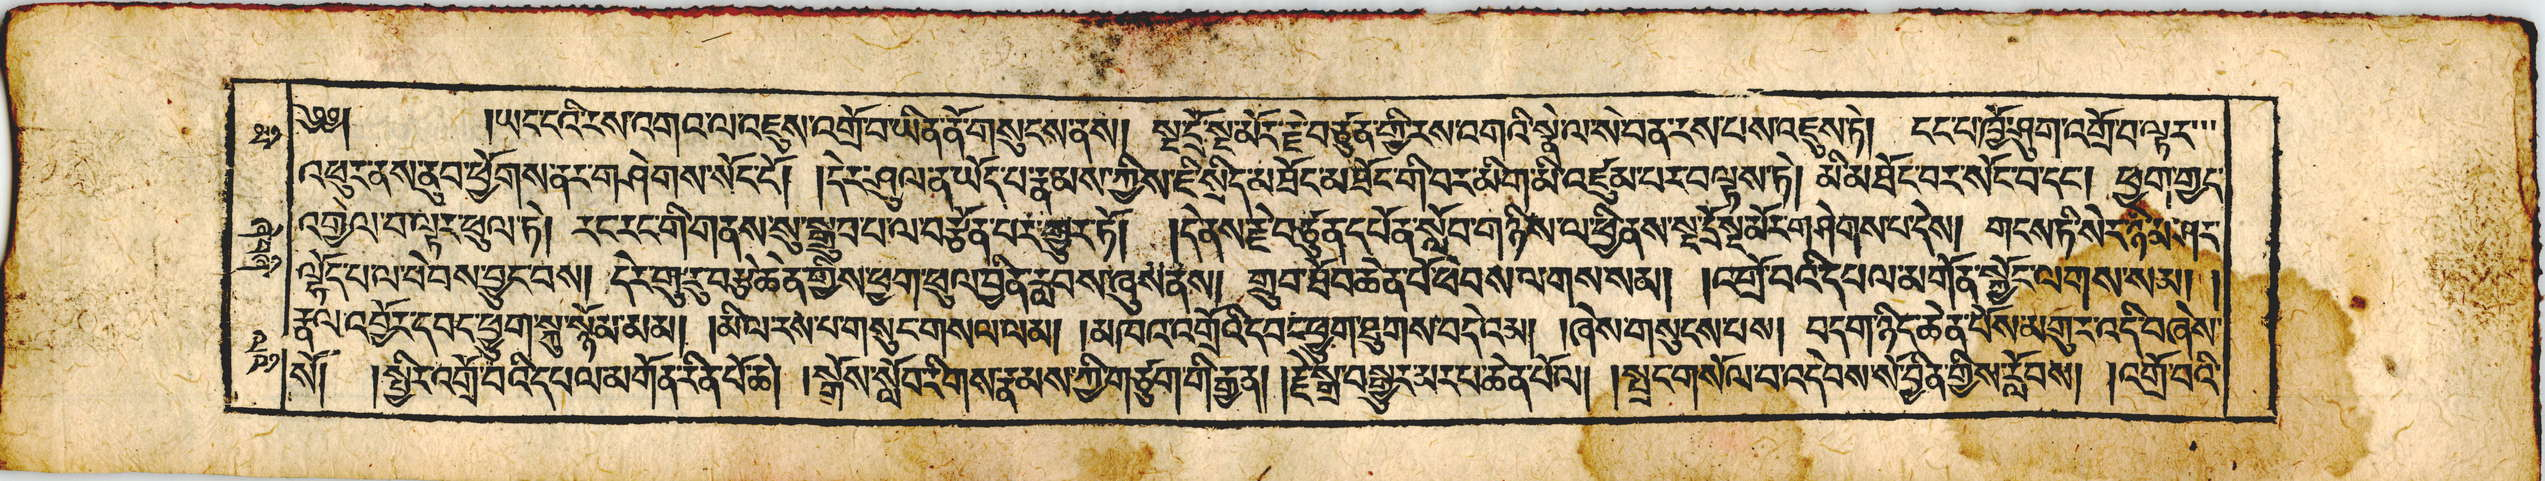ཡང་ངའི་ངས་འགའ་ལ་འཇུས་འགྲོ་བ་ཡིན་ནོ་གསུངས་ནས། སྔ་དྲོ་སྔ་མོར་རྗེ་བཙུན་གྱི་རས་འགའི་སྣེ་ལ་སེ་བན་རས་པས་འཇུས་ཏེ། ངང་པ་ཁྱོ་ཤུག་འགྲོ་བ་ལྟར་
འཕུར་ནས་ནུབ་ཕྱོགས་ནར་གཤེགས་སོང་ངོ། །དེར་ཤུལ་ན་ཡོད་པ་རྣམས་ཀྱིས་ཇི་སྲིད་མཐོང་མཐོང་གི་བར་མིག་མི་འཛུམ་པར་བལྟས་ཏེ། མི་མཐོང་བར་སོང་བ་དང་། ཕྱག་གྱང་
འགྱེལ་བ་ལྟར་ཕུལ་ཏེ། རང་རང་གི་གནས་སུ་སྒྲུབ་པ་ལ་བརྩོན་པར་གྱུར་ཏོ། །དེ་ནས་རྗེ་བཙུན་དཔོན་སློབ་གཉིས་ལ་ཕྱི་ནས་སྔ་དྲོ་སྔ་མོར་གཤེགས་པ་དེས། གངས་ཏི་སེར་ཉི་མ་ཤར་
ལྷོད་པ་ལ་ཕེབས་བྱུང་བས། དེར་གུ་རུ་བརྩེ་ཆེན་གྱིས་ཕྱག་ཕུལ་བྱིན་རླབས་ཞུས་ནས། གྲུབ་ཐོབ་ཆེན་པོ་ཕེབས་ལགས་སམ། །འགྲོ་བའི་དཔལ་མགོན་སྐྱོང་ལགས་སམ། །
རྣལ་འབྱོར་དབང་ཕྱུག་སྐུ་སྙོམ་མམ། །མི་ལ་རས་པ་གསུང་གསལ་ལམ། །མཁའ་འགྲོའི་དབང་ཕྱུག་ཐུགས་བདེ་འམ། །ཞེས་གསུངས་པས། བདག་ཉིད་ཆེན་པོས་མགུར་འདི་བཞེས་
སོ༑ སྤྱིར་འགྲོ་བའི་དཔལ་མགོན་རིན་པོ་ཆེ། །སྒོས་སློབ་རིགས་རྣམས་ཀྱི་གཙུག་གི་རྒྱན། །རྗེ་སྒྲ་བསྒྱུར་མར་པ་ཆེན་པོ་ལ། །སྤྲང་གསོལ་བ་འདེབས་སོ་བྱིན་གྱིས་རློབས། །འགྲོ་བའི་